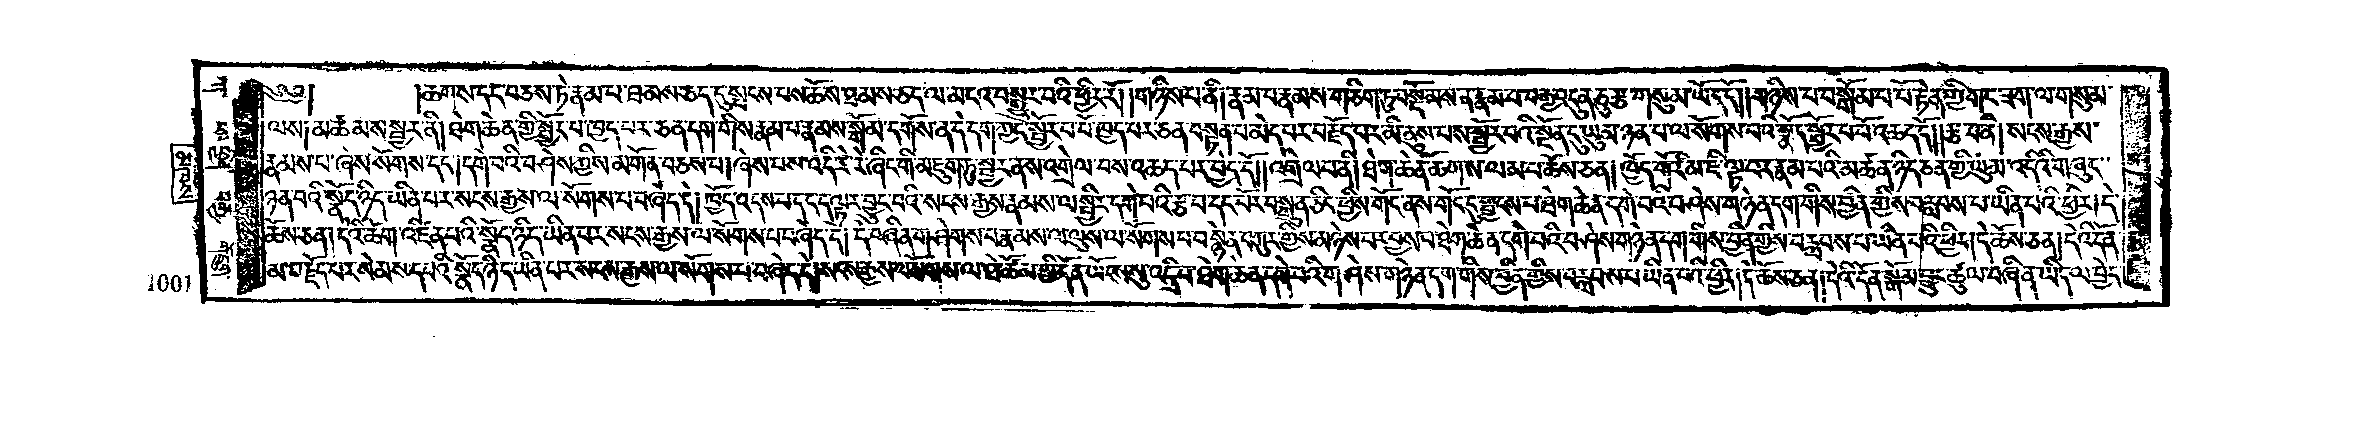༄༅། །ཆགས་དང་བཅས་ཏེ་རྣམ་པ་ཐམས་ཅད་དུ་སྤངས་པས་ཆོས་ཐམས་ཅད་ལ་མངའ་བསྒྱུར་བའི་ཕྱིར་རོ། །གཉིས་པ་ནི། རྣམ་པ་རྣམས་གཅིག་ཏུ་བསྡོམས་ན་རྣམ་པ་བརྒྱ་བདུན་ཅུ་རྩ་གསུམ་ཡོད་དོ། །གཉིས་པ་བསྒོམ་པ་པོ་རྟེན་གྱི་གང་ཟག་ལ་གསུམ་
ལས༑ མཚམས་སྦྱར་ནི། ཐེག་ཆེན་གྱི་སྦྱོར་བ་ཁྱད་པར་ཅན་དག་གིས་རྣམ་པ་རྣམས་སྒོམ་དགོས་ན་དེ་དག་ཀྱང་སྦྱོར་བ་པོ་ཁྱད་པར་ཅན་བསྟན་པ་མེད་པར་བརྗོད་པར་མི་ནུས་པས་སྦྱོར་བའི་སྔོན་དུ་ཡུམ་ཉན་པ་ལ་སོགས་པའི་སྣོད་སྦྱོར་བ་པོ་འཆད་དོ། །རྩ་བ་ནི། སངས་རྒྱས་
རྣམས་པ་ཞེས་སོགས་དང་། དགེ་བའི་བཤེས་ཀྱིས་མགོན་བཅས་པ། ཞེས་པས་འདི་རེ་རེ་ཞིང་གི་མཇུག་ཏུ་སྦྱར་ནས་འགྲེལ་བས་འཆད་པར་བྱེད་དོ། །འགྲེལ་བ་ནི། ཐེག་ཆེན་ཚོགས་ལམ་པ་ཆོས་ཅན། ཁྱོད་གོ་རིམ་ཇི་ལྟ་བར་རྣམ་པའི་མཚན་ཉིད་ཅན་གྱི་ཡུམ་འདིའི་གཞུང་
ཉན་པའི་སྣོད་ཉིད་ཡིན་པར་སངས་རྒྱས་ལ་སོགས་པ་བཞེད་དེ། ཁྱོད་འདས་པ་དང་ད་ལྟར་བྱུང་བའི་སངས་རྒྱས་རྣམས་ལ་སྤྱིར་དགེ་བའི་རྩ་བ་དང་པོར་བསྐྲུན་ཅིང་ཕྱིས་གོང་ནས་གོང་དུ་སྦྱངས་པ་ཐེག་ཆེན་དགེ་བའི་བཤེས་གཉེན་དག་གིས་བྱིན་གྱིས་བརླབས་པ་ཡིན་པའི་ཕྱིར། དེ་
ཆོས་ཅན། དེའི་ཆོག་འཛིན་པའི་སྣོད་ཉིད་ཡིན་པར་སངས་རྒྱས་ལ་སོགས་པ་བཞེད་དེ། དེ་བཞིན་གཤེགས་པ་རྣམས་ལ་ལུས་ལ་སོགས་པ་བསྙེན་བཀུར་གྱིས་མཉེས་པར་བྱས་པ་ཐེག་ཆེན་དགེ་བའི་བཤེས་གཉེན་དག་གིས་བྱིན་གྱིས་བརླབས་པ་ཡིན་པའི་ཕྱིར། དེ་ཆོས་ཅན། དེའི་དོན་
མ་བརྗོད་པར་སེམས་དཔའི་སྣོད་ཉིད་ཡིན་པར་སངས་རྒྱས་ལ་སོགས་པ་བཞེད་དེ། སངས་རྒྱས་ལ་སོགས་ལ་ཐེ་ཚོམ་གྱི་དོན་ཡོངས་སུ་འདྲི་བ་ཐེག་ཆེན་དགེ་བའི་གཤེས་གཉེན་དག་གིས་བྱིན་གྱིས་བརླབས་པ་ཡིན་པའི་ཕྱིར། དེ་ཆོས་ཅན། དེའི་དོན་སྒོམ་བྱུང་ཚུལ་བཞིན་ཡིད་ལ་བྱེད་